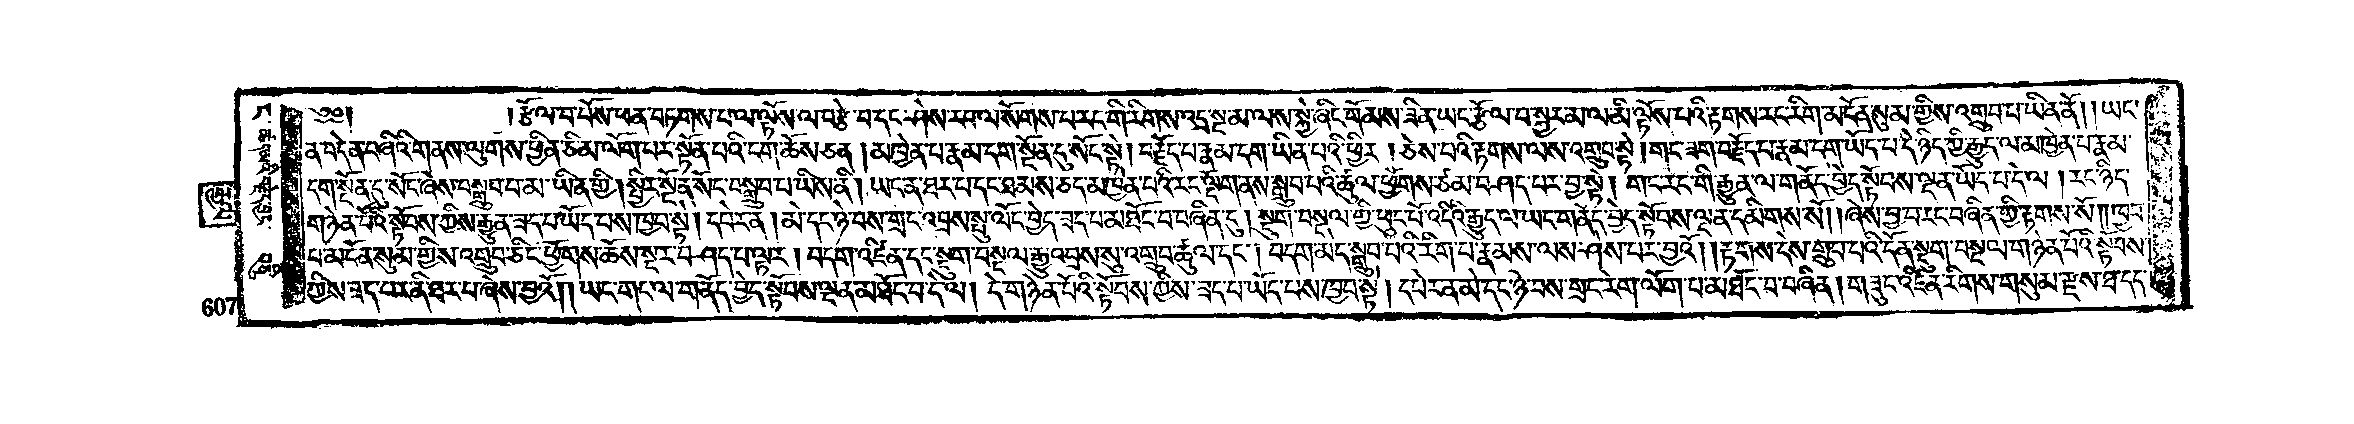༄༅། །རྩོལ་བ་པོས་ཕན་བཏགས་པ་ལ་ལྟོས་ལ་བརྩེ་བ་དང་ཤེས་རབ་ལ་སོགས་པ་རང་གི་རིགས་འདྲ་སྔ་མ་ལས་སྐྱེ་ཞིང་གོམས་ཟིན་ཡང་རྩོལ་བ་སྐྱེར་མ་ལ་མི་ལྟོས་པའི་རྟགས་རང་རི༩ག་མངོན་སུམ་གྱིས་འགྲུབ་པ་ཡིན་ནོ། །ཡང་
ན་བདེན་བཞིའི་གནས་ལུགས་ཕྱིན་ཅི་མ་ལོག་པར་སྟོན་པའི་ངག་ཆོས་ཅན། མཁྱེན་པ་རྣམ་དག་སྔོན་དུ་སོང་སྟེ། བརྗོད་པ་རྣམ་དག་ཡིན་པའི་ཕྱིར། ཅེས་པའི་རྟགས་ལས་འགྲུབ་སྟེ། གང་ཟག་བརྗོད་པ་རྣམ་དག་ཡོད་པ་དེ་ཉིད་ཀྱི་རྒྱུད་ལ་མཁྱེན་པ་རྣམ་
དག་སྔོན་དུ་སོང་ཞེས་བསྒྲུབ་པ་མ་ཡིན་གྱི་།སྤྱིར་སྔོན་སོང་བསྒྲུབ་པ་ཡིས་ནི། ཡང་ན་ཐར་པ་དང་ཐམས་ཅད་མཁྱེན་པའི་རང་ལྡོག་ནས་སྒྲུབ་པའི་ཚུལ་ཕྱོགས་ཙམ་བཤད་པར་བྱ་སྟེ། གང་རང་གི་རྒྱུན་ལ་གནོད་བྱེད་སྟོབས་ལྡན་ཡོད་པ་དེ་ལ། རང་ཉིད་
གཉེན་པོའི་སྟོབས་ཀྱིས་རྒྱུན་ཟད་པ་ཡོད་པས་ཁྱབ་སྟེ། དཔེར་ན། མེ་དང་ཉེ་བས་གྲང་འབྲས་སྤུ་ལོང་བྱེད་ཟད་པ་མཐོང་བ་བཞིན་དུ། སྡུག་བསྔལ་གྱི་ཕུང་པོ་འདིའི་རྒྱུད་ལ་ཡང་གནོད་བྱེད་སྟོབས་ལྡན་དམིགས་སོ། །ཞེས་བྱ་བ་རང་བཞིན་གྱི་རྟགས་སོ། །ཁྱབ་
པ་མངོན་སུམ་གྱིས་འགྲུབ་ཅིང་ཕྱོགས་ཆོས་སྔར་བཤད་པ་ལྟར། བདག་འཛིན་དང་སྡུག་བསྔལ་རྒྱུ་འབྲས་སུ་འགྲུབ་ཚུལ་དང་། བདག་མེད་སྒྲུབ་པའི་རིག་པ་རྣམས་ལས་ཤེས་པར་བྱའོ། །རྟགས་དེས་གྲུབ་པའི་དོན་སྡུག་བསྔལ་གཉེན་པོའི་སྟོབས་
ཀྱིས་ཟད་པར་ནི་ཐར་པ་ཞེས་བྱའོ། །ཡང་གང་ལ་གནོད་བྱེད་སྟོབས་ལྡན་མཐོང་བ་དེ་ལ། དེ་གཉེན་པོའི་སྟོབས་ཀྱིས་ཟ་དཔ་ཡོད་པས་ཁྱབ་སྟེ། དཔེར་ན་མེ་དང་ཉེ་བས་གྲང་རེག་ལོག་པ་མཐོང་བ་བཞིན། གཟུང་འཛིན་རིགས་གསུམ་རྫས་ཐ་དད་